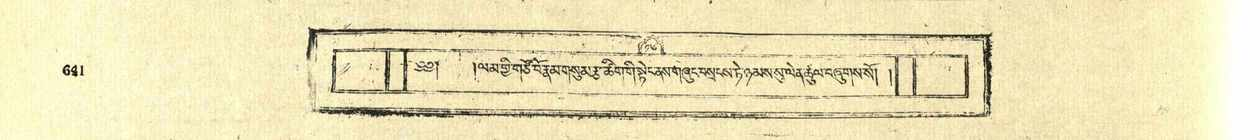༄༅། །ལམ་གྱི་གཙོ་བོ་རྣམ་གསུམ་རྩ་ཚིག་གི་སྟེང་ནས་གཞུང་བསྲང་ཏེ་ཉམས་སུ་ལེན་ཚུལ་བཞུགས་སོ། །